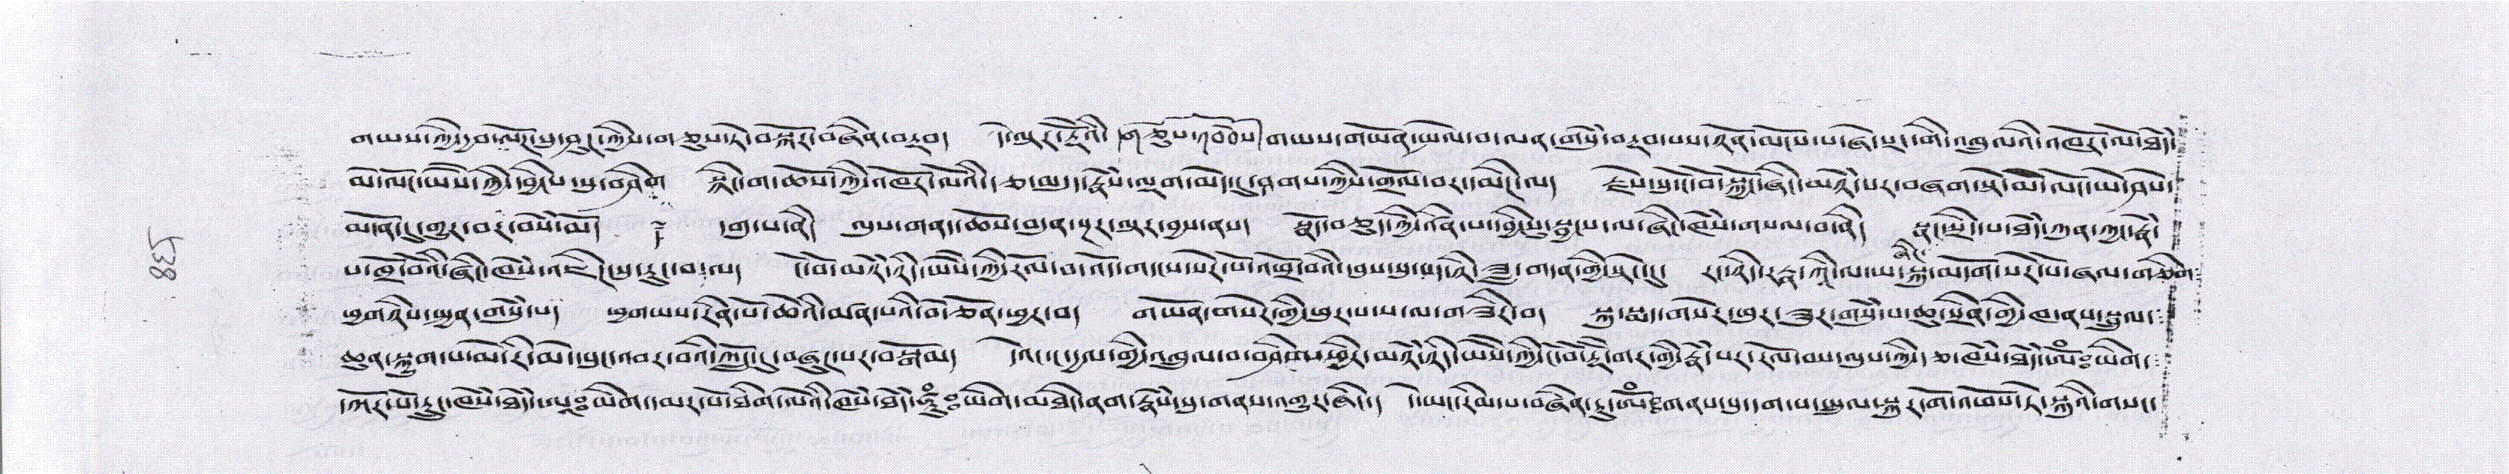གཡས་ཀྱི་རྒྱབ་ལོགས་སུ་ཤུགས་ཀྱིས་གཅུས་ཏེ་བསྐོར་བཞིན་བརྡབ། དེ་ལྟར་༼རྡོ་རྗེའི་གཅུས་འབེབས༽གཡས་གཡོན་སྤེལ་བ་ལན་གསུམ་བརྡབ་པས་ཉོན་མོངས་པ་ཞེ་སྡང་གི་འཁྲུལ་པའི་འཁོར་ལོ་ཐམས་ཅད་
མེ་ལོང་ཡེ་ཤེས་ཀྱི་དབྱིངས་སུ་བཤིག སྙིང་ག་ཆོས་ཀྱི་འཁོར་ལོའི་རྩ་མདུད་རྣམས་ལྷག་མེད་དུ་ཤགས་ཀྱིས་གྲོལ་བར་དམིགས་ལ། རྗེས་སུ་ངོ་བོ་སྐྱོང་ཞིང་མཉམ་པར་བཞག་སྟེ་མེ་ལོང་ཡེ་ཤེས་
མངོན་དུ་གྱུར་པར་བསམ་མོ། ༧ དགུ་པ་ནི། ལུས་གནད་ཆོས་བདུན་སྔར་ལྟར་བྱས་ནས། སྣོད་བཅུད་ཀྱི་འཛིན་པ་དབྱིངས་སུ་སྦྱངས་ནས་ཞིང་ཁམས་གསལ་བ་ནི། སྣང་ཞིང་སྲིད་པ་ཐམས་ཅད་ཀུན་ཀྱང་རྣམ་
པ་ཁྲོ་བོའི་ཞིང་ཁམས་འཇིགས་སུ་རུང་བ་ལ། ངོ་བོ་མཉམ་ཉིད་ཡེ་ཤེས་ཀྱི་རོལ་པ་འོད་མདངས་སེར་པོ་འཕྲོ་བའི་དབུས་སུ་པད་ཉི་ཟླ་གདན་གྱིས་སྟེང་དུ། རང་ཉིད་རདྣ་ཀཱི་ལ་ཡ་སྐུ་མདོག་སེར་པོ་ཞལ་གཅིག་
ཕྱག་གཉིས་སྤྱན་གསུམ་པ། ཕྱག་གཡས་རིན་པོ་ཆེས་མཚོན་པའི་བེ་ཅོན་ཕྱར་བ། གཡོན་གསེར་གྱི་ཕུར་པ་ས་ལ་གཟིར་བ། སྐུ་སྨད་གསེར་ཕུར་ཟུར་གསུམ་པ་ཆུ་སྲིན་གྱི་ཁ་ནས་སྦྲུལ་
ཆུན་སྐྱུགས་པ་མེ་རི་མེ་དཔུང་འབར་བའི་ཀློང་དུ་བཞུགས་པར་བསྒོམ། དེ་ཡང་ང་རྒྱལ་གྱི་འཁྲུལ་པ་བཤིག་ཕྱིར་མཉམ་ཉིད་ཡེ་ཤེས་ཀྱི་ངོ་བོ་རྡོ་རྗེ་གར་གྱི་རྣམ་པར་རོལ་པས་ལུས་ཀྱི་རྩ་ཁམས་ཐམས་ཅད་ཨོཾཿཡིག་
དཀར་པོ་རླུང་ཁམས་ཐམས་ཅད་ཨཱཿཡིག་དམར་པོ། ཐིག་ལེའི་ཁམས་ཐམས་ཅད་ཧཱུཾཿཡིག་མཐིང་ནག་རྣམས་སུ་གནས་འགྱུར་ཞིང་། དེ་ཡང་རིམ་པ་བཞིན་དུ་ཨོཾཿགནས་སུ་དག་པ་སྤྲུལ་སྐུར་གོ་འཕོས་ཏེ་སྐུའི་གསང་